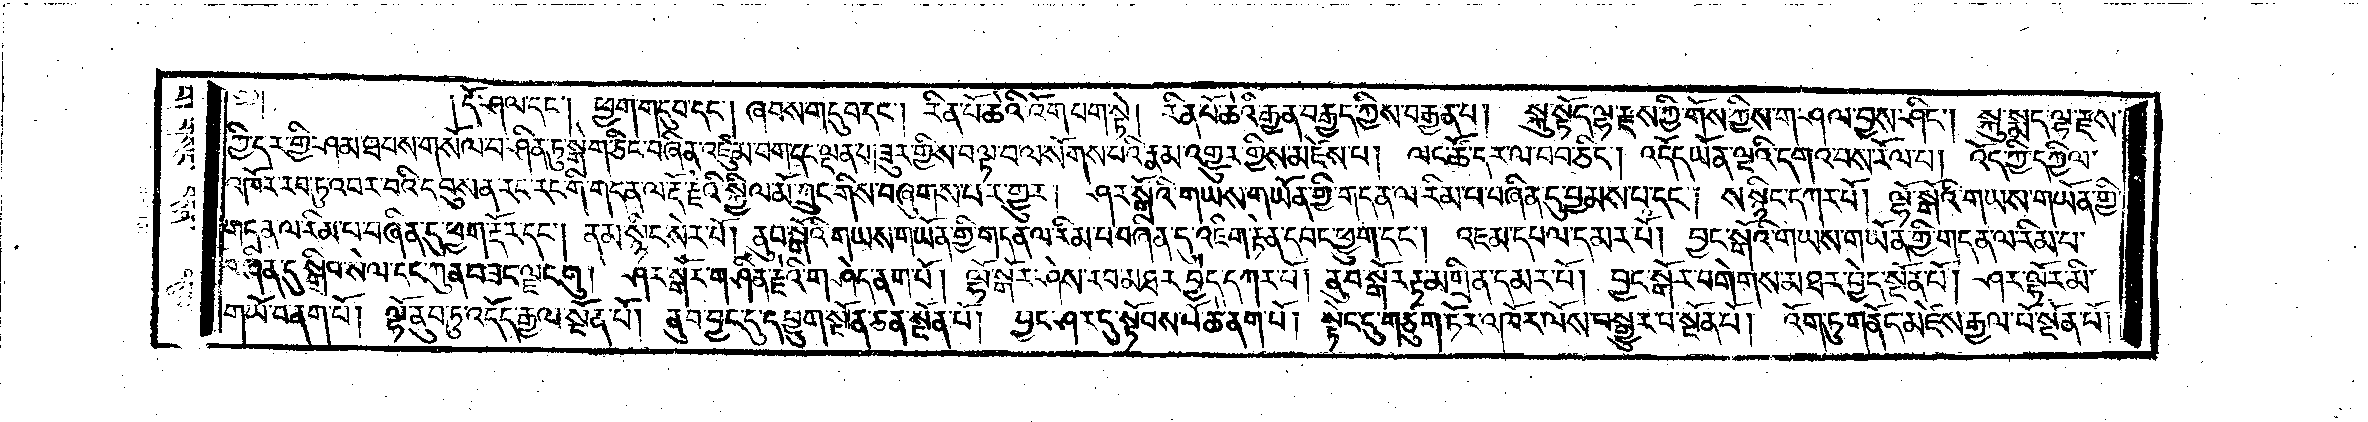༄༅། །དོ་ཤལ་དང་། ཕྱག་གདུབ་དང་། ཞབས་གདུབ་དང་། རིན་པོ་ཆེའི་འོག་པག་སྟེ། རིན་པོ་ཆེའི་རྒྱན་བརྒྱད་ཀྱིས་བརྒྱན་པ། སྐུ་སྟོད་ལྷ་རྫས་ཀྱི་གོས་ཀྱིས་གཤལ་བྱས་ཤིང་། སྐུ་སྨད་ལྷ་རྫས་ཀྱི་དར་གྱི་ཤམ་ཐབས་གསོལ་བ་ཤིན་ཏུ་སྒེག་ཅིང་བཞིན་འཛུམ་བག་དང་ལྡན་པ། ཟུར་གྱིས་བལྟ་བ་ལ་སོགས་པའི་རྣམ་འགྱུར་གྱིས་མཛེས་པ། ལང་ཚོ་དར་ལ་བབ་ཅིང་། འདོད་ཡོན་ལྔའི་དགའ་བས་རོལ་པ། འོད་ཀྱི་དཀྱིལ་
འཁོར་རབ་ཏུ་འབར་བའི་དབུས་ན་རང་རང་གི་གདན་ལ་རྡོ་རྗེའི་སྐྱིལ་མོ་ཀྲུང་གིས་བཞུགས་པར་གྱུར། ཤར་སྒྲོའི་གཡས་གཡོན་གྱི་གདན་ལ་རིམ་པ་བཞིན་དུ་བྱམས་པ་དང་། ས་སྙིང་དཀར་པོ། ལྷོ་སྒོའི་གཡས་གཡོན་གྱི་
གདན་ལ་རིམ་པ་བཞིན་དུ་ཕྱག་རྡོར་དང་། ནམ་སྙིང་སེར་པོ། ནུབ་སྒོའི་གཡས་གཡོན་གྱི་གདན་ལ་རིམ་པ་བཞིན་དུ་འཇིག་རྟེན་དབང་ཕྱུག་དང་། འཇམ་དཔལ་དམར་པོ། བྱང་སྒོའི་གཡས་གཡོན་གྱི་གདན་ལ་རིམ་པ་
བཞིན་དུ་སྒྲིབ་སེལ་དང་ཀུན་བཟང་ལྗང་གུ། ཤར་སྒོར་གཤིན་རྗེའི་གཤེད་ནག་པོ། ལྷོ་སྒོར་ཤེས་རབ་མཐར་བྱེད་དཀར་པོ། ནུབ་སྒོར་རྟ་མགྲིན་དམར་པོ། བྱང་སྐོར་བགེགས་མཐར་བྱེད་སྔོན་པོ། ཤར་ལྷོར་མི་
གཡོ་བ་ནག་པོ། ལྷོ་ནུབ་ཏུ་འདོད་རྒྱལ་སྔོན་པོ། ནུབ་བྱང་དུ་དབྱུག་སྔོན་ཅན་སྔོན་པོ། བྱང་ཤར་དུ་སྟོབས་པོ་ཆེ་ནག་པོ། སྟེང་དུ་གཙུག་ཏོར་འཁོར་ལོས་བསྒྱུར་བ་སྔོན་པོ། འོག་ཏུ་གནོད་མཛེས་རྒྱལ་པོ་སྔོན་པོ།